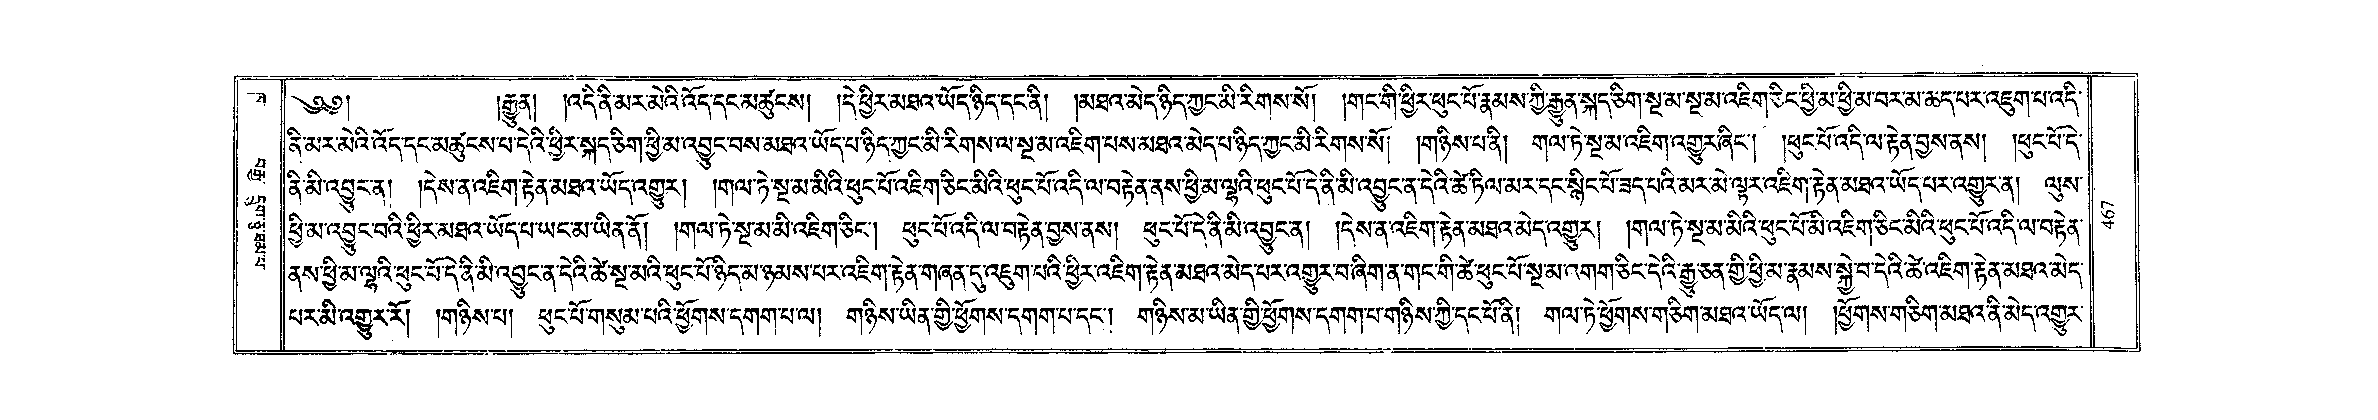༄༅། །རྒྱུན། །འདི་ནི་མར་མེའི་འོད་དང་མཚུངས། །དེ་ཕྱིར་མཐའ་ཡོད་ཉིད་དང་ནི། །མཐའ་མེད་ཉིད་ཀྱང་མི་རིགས་སོ། །གང་གི་ཕྱིར་ཕུང་པོ་རྣམས་ཀྱི་རྒྱུན་སྐད་ཅིག་སྔ་མ་སྔ་མ་འཇིག་ཅིང་ཕྱི་མ་ཕྱི་མ་བར་མ་ཆད་པར་འཇུག་པ་འདི་
ནི་མར་མེའི་འོད་དང་མཚུངས་པ་དེའི་ཕྱིར་སྐད་ཅིག་ཕྱི་མ་འབྱུང་བས་མཐའ་ཡོད་པ་ཉིད་ཀྱང་མི་རིགས་ལ་སྔ་མ་འཇིག་པས་མཐའ་མེད་པ་ཉིད་ཀྱང་མི་རིགས་སོ། །གཉིས་པ་ནི། གལ་ཏེ་སྔ་མ་འཇིག་འགྱུར་ཞིང་། །ཕུང་པོ་འདི་ལ་རྟེན་བྱས་ནས། །ཕུང་པོ་དེ་
ནི་མི་འབྱུང་ན། །དེས་ན་འཇིག་རྟེན་མཐའ་ཡོད་འགྱུར། །གལ་ཏེ་སྔ་མ་མིའི་ཕུང་པོ་འཇིག་ཅིང་མིའི་ཕུང་པོ་འདི་ལ་བརྟེན་ནས་ཕྱི་མ་ལྷའི་ཕུང་པོ་དེ་ནི་མི་འབྱུང་ན་དེའི་ཚེ་ཏིལ་མར་དང་སྙིང་པོ་ཟད་པའི་མར་མེ་ལྟར་འཇིག་རྟེན་མཐའ་ཡོད་པར་འགྱུར་ན། ལུས་
ཕྱི་མ་འབྱུང་བའི་ཕྱིར་མཐའ་ཡོད་པ་ཡང་མ་ཡིན་ནོ། །གལ་ཏེ་སྔ་མ་མི་འཇིག་ཅིང་། ཕུང་པོ་འདི་ལ་བརྟེན་བྱས་ནས། ཕུང་པོ་དེ་ནི་མི་འབྱུང་ན། །དེས་ན་འཇིག་རྟེན་མཐའ་མེད་འགྱུར། །གལ་ཏེ་སྔ་མ་མིའི་ཕུང་པོ་མི་འཇིག་ཅིང་མིའི་ཕུང་པོ་འདི་ལ་བརྟེན་
ནས་ཕྱི་མ་ལྷའི་ཕུང་པོ་དེ་ནི་མི་འབྱུང་ན་དེའི་ཚེ་སྔ་མའི་ཕུང་པོ་ཉིད་མ་ཉམས་པར་འཇིག་རྟེན་གཞན་དུ་འཇུག་པའི་ཕྱིར་འཇིག་རྟེན་མཐའ་མེད་པར་འགྱུར་བ་ཞིག་ན་གང་གི་ཚེ་ཕུང་པོ་སྔ་མ་འགག་ཅིང་དེའི་རྒྱུ་ཅན་གྱི་ཕྱི་མ་རྣམས་སྐྱེ་བ་དེའི་ཚེ་འཇིག་རྟེན་མཐའ་མེད་
པར་མི་འགྱུར་རོ། །གཉིས་པ། ཕུང་པོ་གསུམ་པའི་ཕྱོགས་དགག་པ་ལ། གཉིས་ཡིན་གྱི་ཕྱོགས་དགག་པ་དང་། གཉིས་མ་ཡིན་གྱི་ཕྱོགས་དགག་པ་གཉིས་ཀྱི་དང་པོ་ནི། གལ་ཏེ་ཕྱོགས་གཅིག་མཐའ་ཡོད་ལ། །ཕྱོགས་གཅིག་མཐའ་ནི་མེད་འགྱུར་